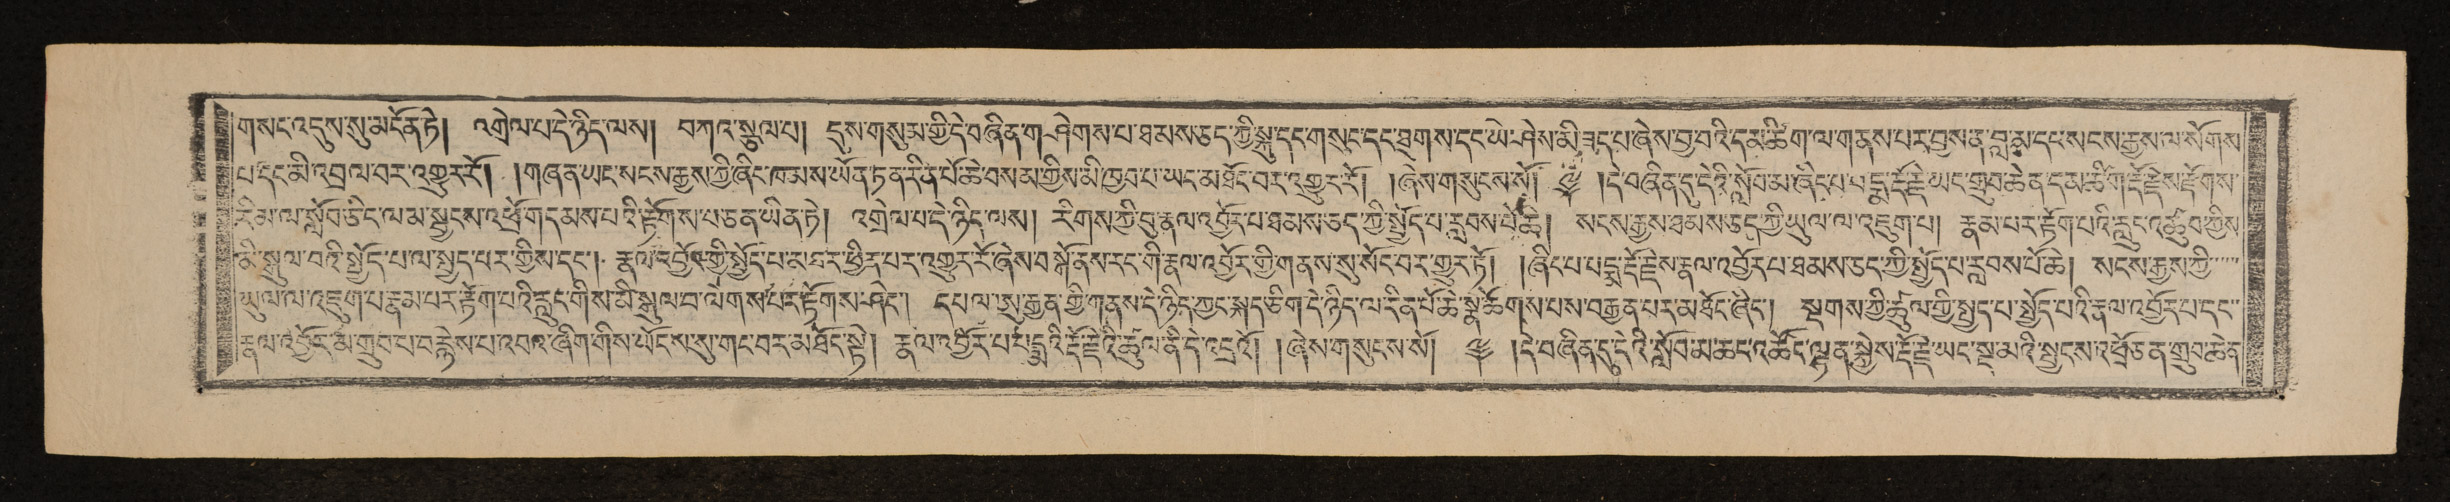གསང་བདུས་སུ་མངོན་ཏེ། འགྲེལ་པ་དེ་ཉིད་ལས། བཀའ་སྩལ་པ། དུས་གསུམ་གྱི་དེ་བཞིན་གཤེགས་པ་ཐམས་ཅད་ཀྱི་སྐུ་དང་གསུང་དང་ཐུགས་དང་ཡེ་ཤེས་མི་ཟད་པ་ཞེས་བྱ་བའི་དམ་ཚིག་ལ་གནས་པར་བྱས་ན་བླ་མ་དང་སངས་རྒྱས་ལ་སོགས་
བ་དང་མི་འབྲལ་བར་འགྱུར་རོ། །གཞན་ཡང་སངས་རྒྱས་ཀྱི་ཞིང་ཁམས་ཡོན་ཏན་རིན་པོ་ཆེ་བསམ་གྱིས་མི་ཁྱབ་པ་ཡང་མཐོང་བར་འགྱུར་རོ། །ཞེས་གསུངས་སོ། ༈ །དེ་བཞིན་དུ་དེའི་སློབ་མ་ཞིང་པ་པདམ་རྡོ་རྗེ་ཡང་གྲུབ་ཆེན་དམ་ཚིག་རྡོ་རྗེས་རྫོགས་
རིམ་ལ་སློབ་ཅིང་ལམ་སྦྱངས་འཕྲོ་གདམས་པའི་རྟོགས་པ་ཅན་ཡིན་ཏེ། འགྲེལ་པ་དེ་ཉིད་ལས། རིགས་ཀྱི་བུ་རྣལ་འབྱོར་པ་ཐམས་ཅད་ཀྱི་སྤྱོད་པ་རླབས་པོ་ཆེ། སངས་རྒྱས་ཐམས་ཅད་ཀྱི་ཡུལ་ལ་འཇུག་པ། རྣམ་པར་རྟོག་པའི་རླུང་འཚུབ་ཀྱིས་
མི་སྒུལ་བའི་སྤྱོད་པ་ལ་སྤྱད་པར་གྱིས་དང་། རྣལ་འབྱོར་གྱི་སྤྱོད་པ་མཐར་ཕྱིན་པར་འགྱུར་རོ་ཞེས་བསྒོ་ནས་རང་གི་རྣལ་འབྱོར་གྱི་གནས་སུ་སོང་བར་གྱུར་ཏོ། །ཞིང་བ་པདམ་རྡོ་རྗེས་རྣལ་འབྱོར་པ་ཐམས་ཅད་ཀྱི་སྤྱོད་པ་རླབས་པོ་ཆེ། སངས་རྒྱས་ཀྱི་
ཡུལ་ལ་འཇུག་པ་རྣམ་པར་རྟོག་པའི་རླུང་གིས་མི་སྒུལ་བ་ལེགས་པར་རྟོགས་ཤིང་། དཔལ་ཨུ་རྒྱན་གྱི་གནས་དེ་ཉིད་ཀྱང་སྐད་ཅིག་དེ་ཉིད་ལ་རིན་པོ་ཆེ་སྣ་ཚོགས་པས་བརྒྱན་པར་མཐོང་ཞིང་། སྔགས་ཀྱི་ཚུལ་གྱི་སྤྱད་པ་སྤྱོད་པའི་རྣལ་འབྱོར་པ་དང་
རྣལ་འབྱོར་མ་གྲུབ་བ་བརྙེས་པ་འབའ་ཞིག་གིས་ཡོངས་སུ་གང་བར་མཐོང་སྟེ། རྣལ་འབྱོར་པ་པདམའི་རྡོ་རྗེའི་ཚུལ་ནི་དེ་འདྲའོ། །ཞེས་གསུངས་སོ། ༈ །དེ་བཞིན་དུ་དེའི་སློབ་མཆང་བ་འཚོང་ལྷན་སྐྱེས་རྡོ་རྗེ་ཡང་སྔ་མའི་སྦྱངས་འཕྲོ་ཅན་གྲུབ་ཆེན་